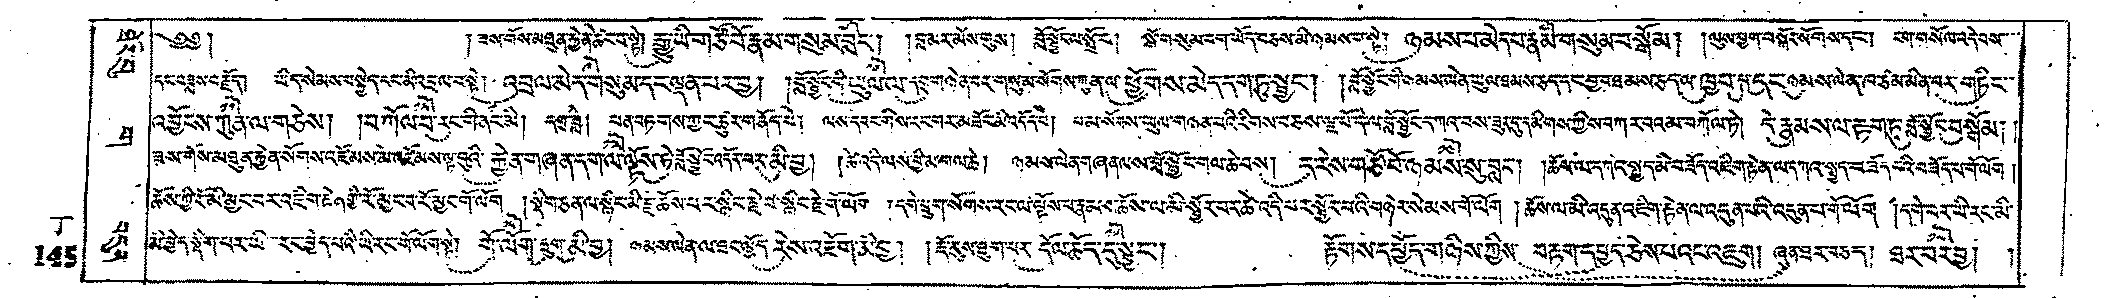༄༅། །ཟས་གོས་མཐུན་རྐྱེན་ཚང་བ་སྟེ།  རྒྱུ་ཡི་གཙོ་བོ་རྣམ་གསུམ་བླང་། །བླ་མར་མོས་གུས། བློ་སྦྱོང་ལ་སྤྲོ་བ། སྒོ་གསུམ་བག་ཡོད་བཅས་མི་ཉམས་པ་སྟེ།  ཉམས་པ་མེད་པ་རྣམ་གསུམ་བསྒོམ། །ལུས་ཕྱག་བསྐོར་སོགས་དང་། ངག་གསོལ་འདེབས་་་
དང་བཟླས་བརྗོད། ཡིད་སེམས་བསྐྱེད་དང་མི་འབྲལ་བ་སྟེ། འབྲལ་མེད་གསུམ་དང་ལྡན་པར་བྱ། །བློ་སྦྱོང་གི་ཡུལ་ལ་དགྲ་གཉེན་བར་གསུམ་སོགས་ཀུན་ལ་ཕྱོགས་མེད་དག་ཏུ་སྦྱང་། །བློ་སྦྱོང་གི་ཉམས་ལེན་ཡུལ་ཐམས་ཅད་དང་བྱ་བ་ཐམས་ཅད་ལ་ཁྱབ་པ་དང་ཉམས་ལེན་ཁ་ཙམ་མིན་པར་གཏིང་་་
འབྱོངས་ཀུན་ལ་གཅེས། །བཀོལ་བ་རང་གི་ནང་མི། དགྲ་ཟླ། ཕན་བཏགས་ཀྱང་ཚུར་གནོད་པ། ལས་དབང་གིས་རང་གར་མཐོང་མི་འདོད་པ། ཕ་མ་སོགས་ཡུལ་གཉན་པའི་རིགས་བཅས་ལྔ་པོ་དེ་ལ་བློ་སྦྱོང་དཀའ་བས་ཟུར་དུ་དམིགས་ཀྱིས་བཀར་བའམ་བཀོལ་ཏེ། དེ་རྣམས་ལ་རྟག་ཏུ་བློ་སྦྱོང་བསྒོམ། །
ཟས་གོས་མཐུན་རྐྱེན་སོགས་འཛོམས་མ་འཛོམས་ལྟ་བུའི་རྐྱེན་གཞན་དག་ལ་ལྟོས་ཏེ་བློ་སྦྱོང་འདོར་བར་མི་བྱ། །ཚི་འདི་ལས་ཕྱི་མ་གལ་ཆེ། ཉམས་ལེན་གཞན་ལས་བློ་སྦྱོང་གལ་ཆེ་བས།  ད་རེས་གཙོ་བོ་ཉམས་སུ་བླང་། །ཆོས་ལ་དཀའ་སྤྱོད་མི་བཟོད་འཇིག་རྟིན་ལ་དཀཱ་སྤྱད་བཟོད་པའི་བཟོད་པ་གོ་ལོག །
ཆོས་ཀྱི་རོ་མི་མྱང་བར་འཇིག་རྟེན་གྱི་རོ་མྱང་བ་རོ་མྱང་གོ་ལོག །སྡིག་ཅན་ལ་སྙིང་མི་རྗེ་ཆོས་པར་སྙིང་རྗེ་བ་སྙིང་རྗེ་གོ་ལོག །དགེ་ཕྲུག་སོགས་རང་ལ་ལྟོས་པ་རྣམས་ཆོས་ལ་མི་སྦྱོར་བར་ཚེ་འདི་པར་སྦྱོར་པའི་གཉེར་སེམས་གོ་ལོག །ཆོས་ལ་མི་འདུན་འཇིག་རྟེན་ལ་འདུན་པའི་འདུན་པ་གོ་ལོག །དགེ་བར་ཡི་རང་མི་
མི་བྱེད་སྡིག་པར་ཡི་་་རང་བྱེད་པའི་ཡི་རང་གོ་ལོག་སྟེ། གོ་ལོག་དྲུག་མི་བྱ། ཉམས་ལེན་ལ་ཐང་ལྷོད་རེས་འཇོག་མི་བྱ། །རྡོ་རུས་ཐུག་པར་དོལ་ཆོད་དུ་སྦྱང་། རྟོགས་དཔྱོད་གཉིས་ཀྱིས་བརྟག་དཔྱད་ཅེས་པའང་འཇུག། ཞུན་ཐར་བཅད།  ཐར་བར་བྱ། །